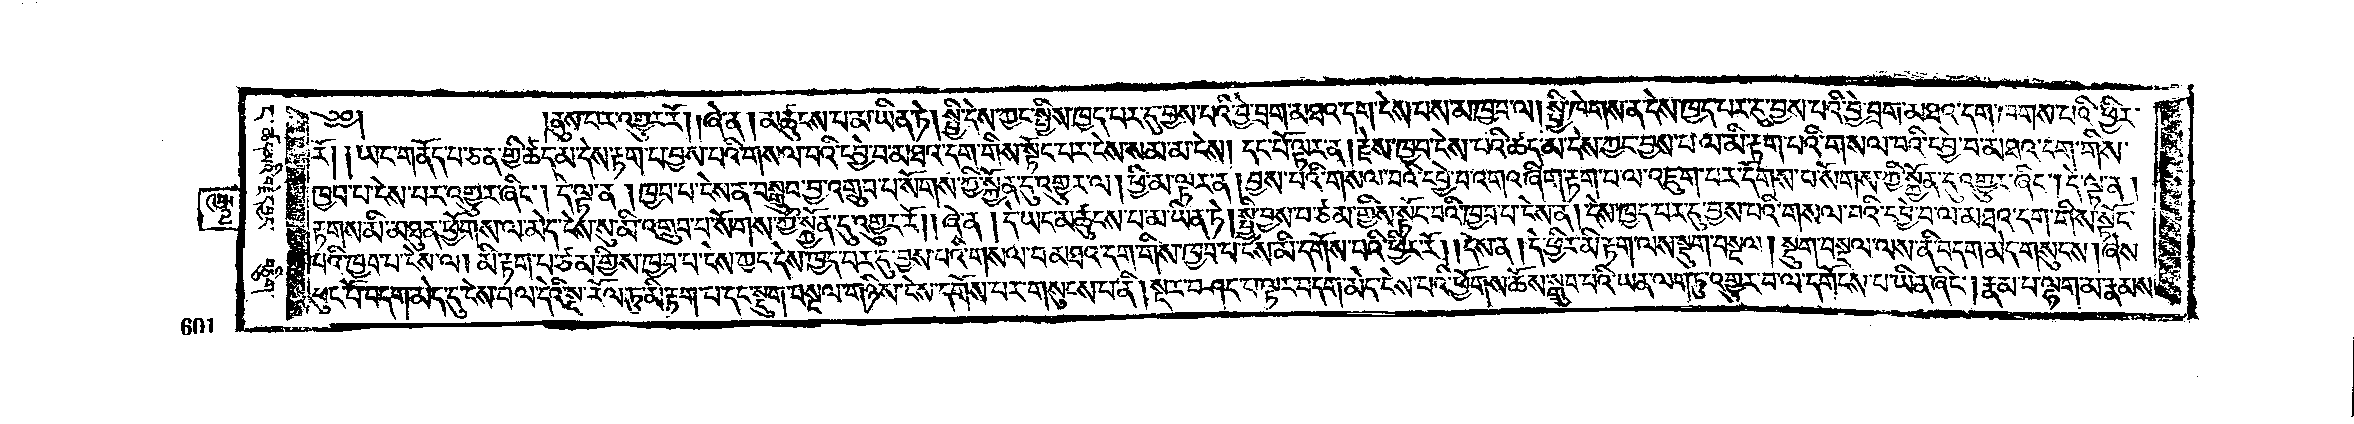༄༅། །ནུས་པར་འགྱུར་རོ། །ཞེ་ན། མཚུངས་པ་མ་ཡིན་ཏེ། སྤྱི་དེས་ཀྱང་སྤྱིས་ཁྱད་པར་དུ་བྱས་པའི་བྱེ་བྲག་མཐའ་དག་ངེས་པས་མ་ཁྱབ་པ་ལ། སྤྱི་ཁེགས་ན་དེས་ཁྱད་པར་དུ་བྱས་པའི་བྱེ་བྲག་མཐའ་དག་ཁགས་པའི་ཕྱིར་
རོ༑ ༑ཡང་གནོད་པ་ཅན་གྱི་ཚད་མ་དེས་རྟག་པ་བྱས་པའི་གསལ་བའི་དབྱེ་བ་མཐའ་དག་གིས་སྟོང་པར་ངེས་སམ་མ་ངེས། དང་པོ་ལྟར་ན། རྗེས་ཁྱབ་ངེས་པའི་ཚད་མ་དེས་ཀྱང་བྱས་པ་ལ་མི་རྟག་པའི་གསལ་བའི་དབྱེ་བ་མཐའ་དག་གིས་
ཁྱབ་པ་ངེས་པར་འགྱུར་ཞིང་། དེ་ལྟ་ན། ཁྱབ་པ་ངེས་ན་བསྒྲུབ་བྱ་འགྲུབ་པ་སོགས་ཀྱི་སྐྱོན་དུ་འགྱུར་ལ། ཕྱི་མ་ལྟར་ན། བྱས་པའི་གསལ་བའི་དབྱེ་བ་འགའ་ཞིག་རྟག་པ་ལ་འཇུག་པར་དོགས་པ་སོགས་ཀྱི་སྐྱོན་དུ་འགྱུར་ཞིང་། དེ་ལྟ་ན།
རྟགས་མི་མཐུན་ཕྱོགས་ལ་མེད་ངེས་སུ་མི་འགྲུབ་པ་སོགས་ཀྱི་སྐྱོན་དུ་འགྱུར་རོ། །ཞེ་ན། དེ་ཡང་མཚུངས་པ་མ་ཡིན་ཏེ། སྤྱི་བྱས་པ་ཙམ་གྱིས་སྟོང་བའི་ཁྱབ་པ་ངེས་ན། དེས་ཁྱད་པར་དུ་བྱས་པའི་གསལ་བའི་དབྱེ་བ་ལ་མཐའ་དག་གིས་སྟོང་
བའི་ཁྱབ་པ་ངེས་ལ། མི་རྟག་པ་ཙམ་གྱིས་ཁྱབ་པ་ངེས་ཀྱང་དེས་ཁྱད་པར་དུ་བྱས་པའི་གསལ་བ་མཐའ་དག་གིས་ཁྱབ་པ་ངེས་མི་དགོས་པའི་ཕྱིར་རོ། །དེས་ན་དེ་ཕྱིར་མི་རྟག་ལས་སྡུག་བསྔལ། སྡུག་བསྔལ་ལས་ནི་བདག་མེད་གསུངས། ཞེས་
ཕུང་པོ་བདག་མེད་དུ་ངེས་པ་ལ་དེའི་སྔ་རོལ་ཏུ་མི་རྟག་པ་དང་སྡུག་བསྔལ་གཉིས་ངེས་དགོས་པར་གསུངས་པ་ནི། སྔར་བཤད་པ་ལྟར་བདག་མེད་ངེས་པའི་ཕྱོགས་ཆོས་སྒྲུབ་པའི་ཡན་ལག་ཏུ་འགྱུར་པ་ལ་དགོངས་པ་ཡིན་ཞིང་། རྣམ་པ་ལྷག་མ་རྣམས་